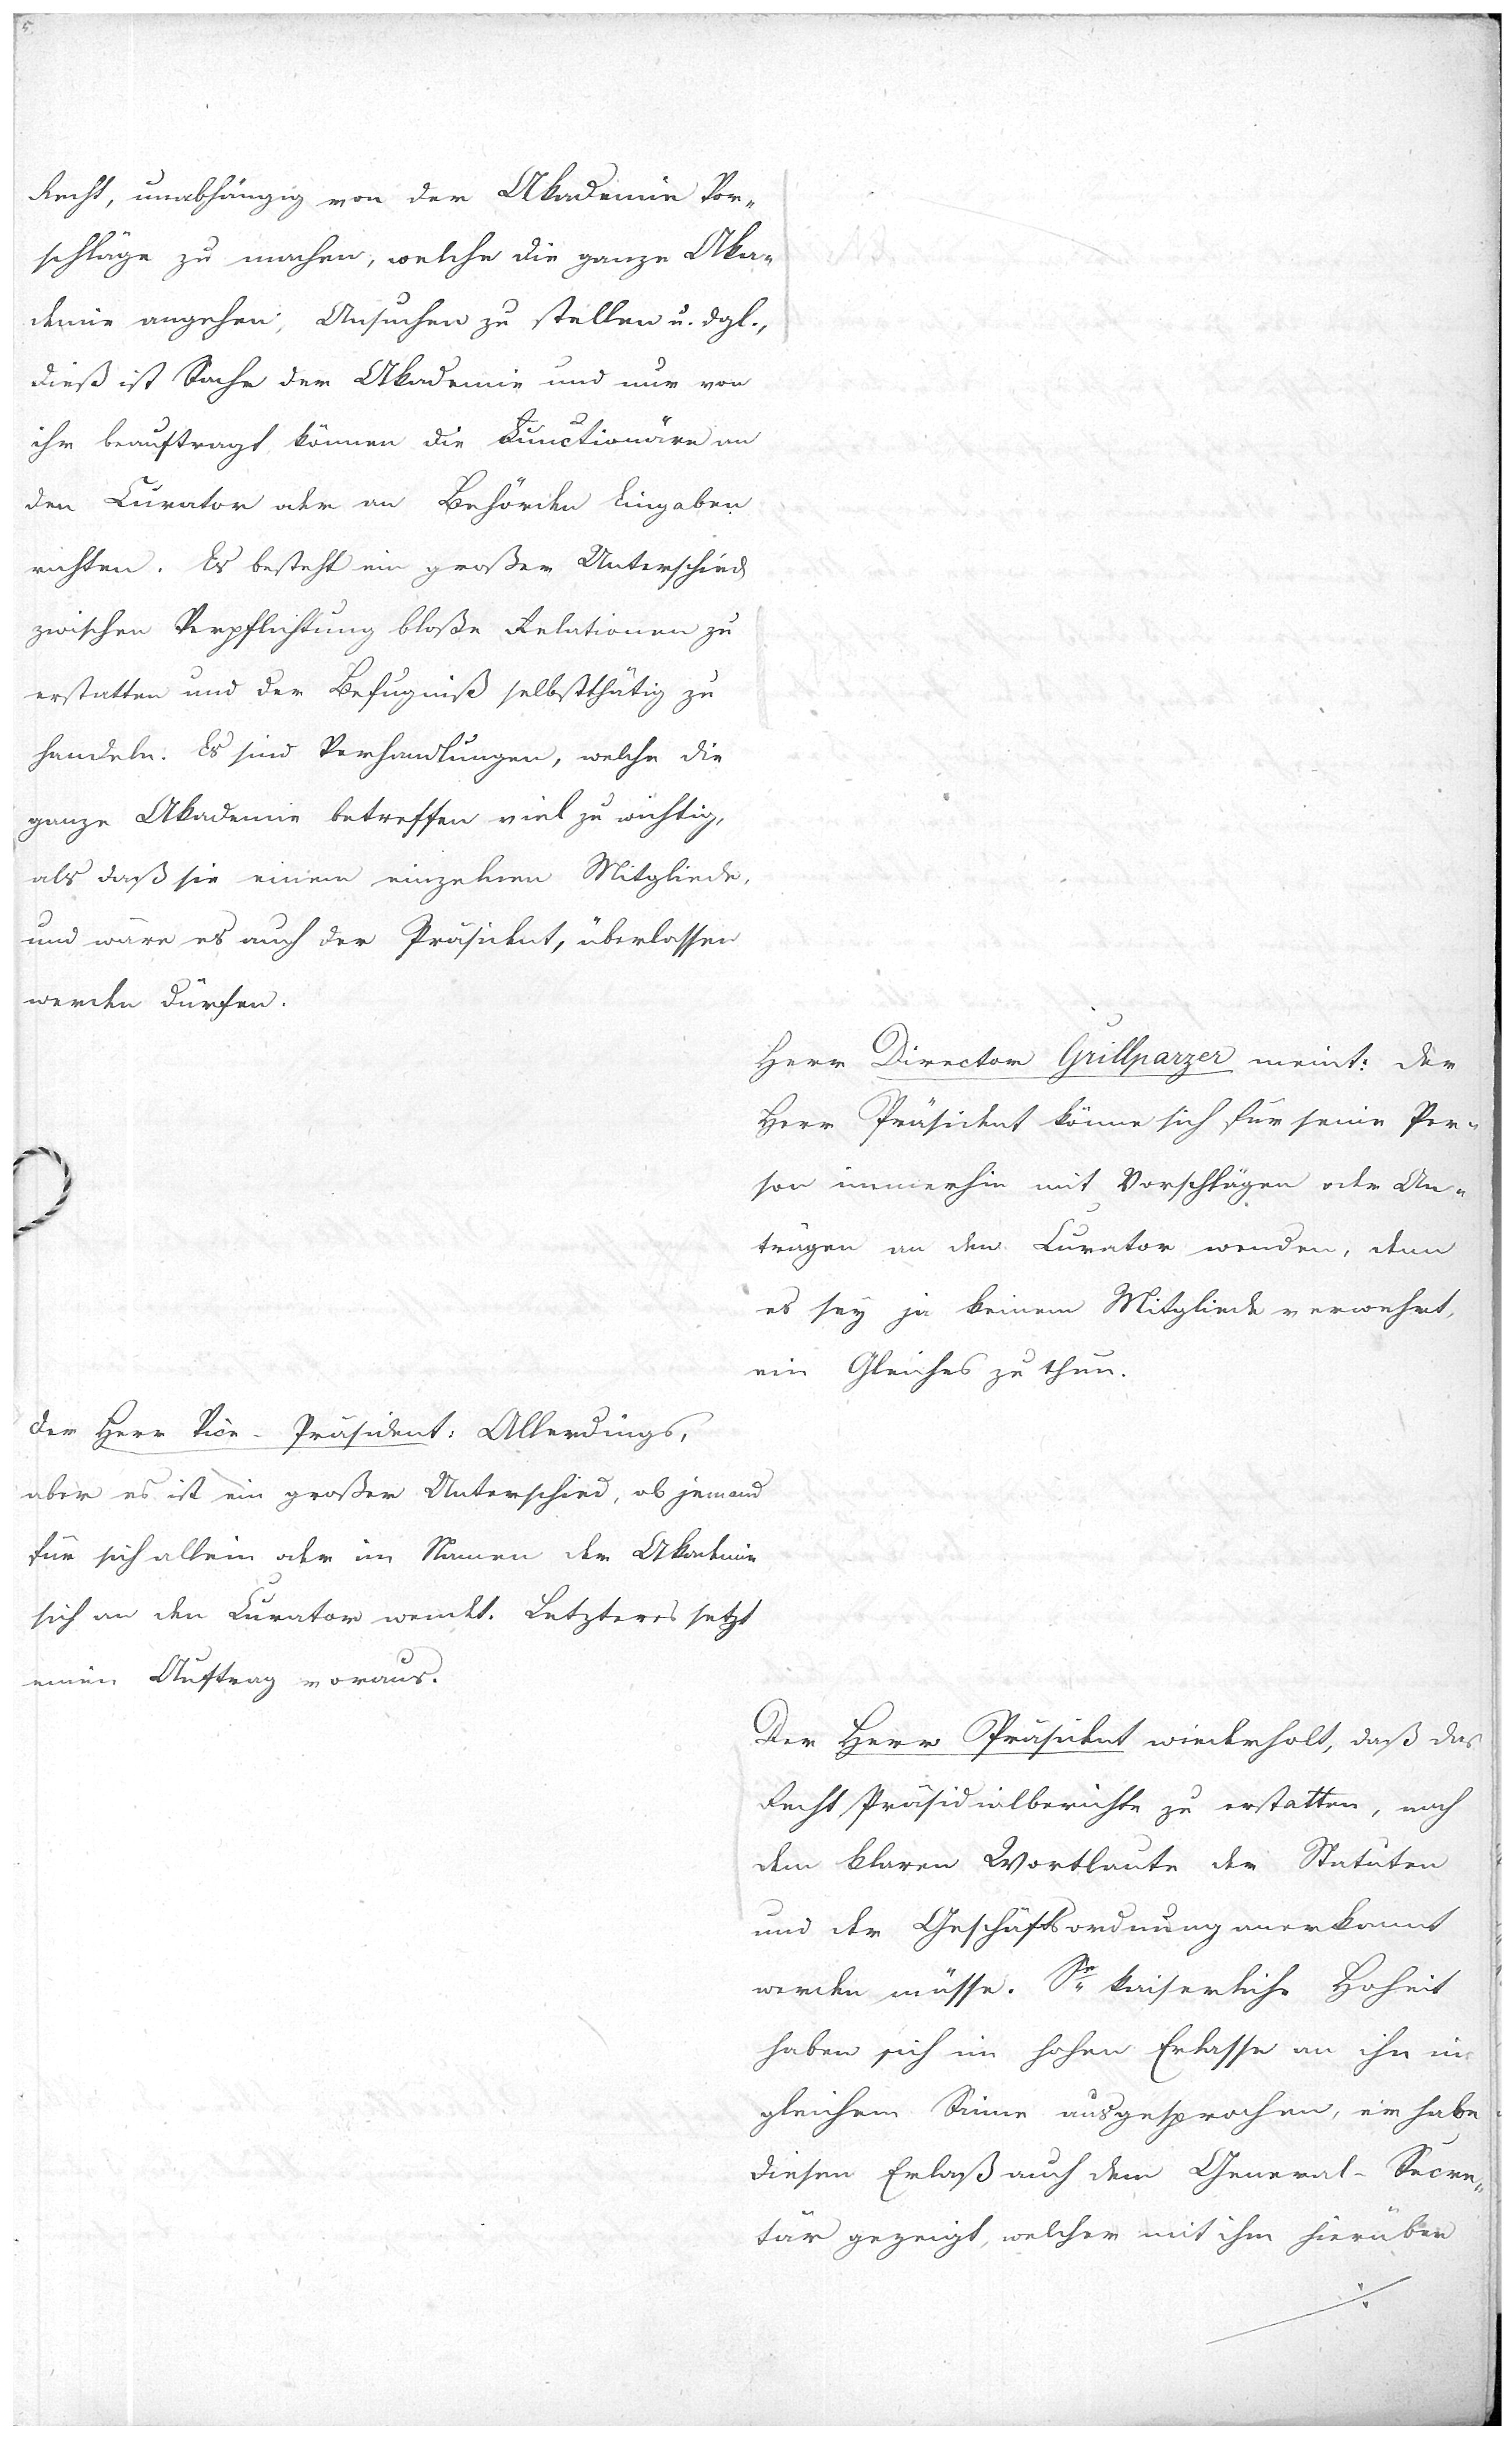Recht, unabhängig von der Akademie Vor-
schläge zu machen, welche die ganze Aka-
demie angehen; Ansuchen zu stellen u. dgl.,
dieß ist Sache der Akademie und nur von
ihr beauftragt können die Functionäre an
den Curator oder an Behörden Eingaben
richten. Es besteht ein großer Unterschied
zwischen Verpflichtung, bloße Relationen zu
erstatten und der Befugniß selbstthätig zu
handeln. Es sind Verhandlungen, welche die
ganz Akademie betreffen viel zu wichtig,
als daß sie einen einzelnen Mitgliede,
und wäre es auch der Präsident, überlassen
werden dürfen.
Herr Director Grillparzer meint: der
Herr Präsident könne sich für seine Per-
son immerhin mit Vorschlägen oder An-
trägen an den Curator wenden, denn
es sey ja keinem Mitglied verwehrt,
ein Gleiches zu thun.
Der Herr Vice-Präsident: Allerdings,
aber es ist ein großer Unterschied, ob jemand
für sich allein oder im Namen der Akademie
sich an den Curator wendet. Letzteres setzt
einen Auftrag voraus.
Der Herr Präsident wiederholt, daß das
Recht Präsidialberichte zu erstatten, nach
den klaren Wortlaute der Statuten
und der Geschäftsordnung anerkannt
werden müsse. Sr. kaiserliche Hoheit
haben sich im hohen Erlasse an ihn in
gleichem Sinne ausgesprochen, er habe
diesen Erlaß auch dem General-Secre-
tär gezeigt, welcher mit ihm hierüber